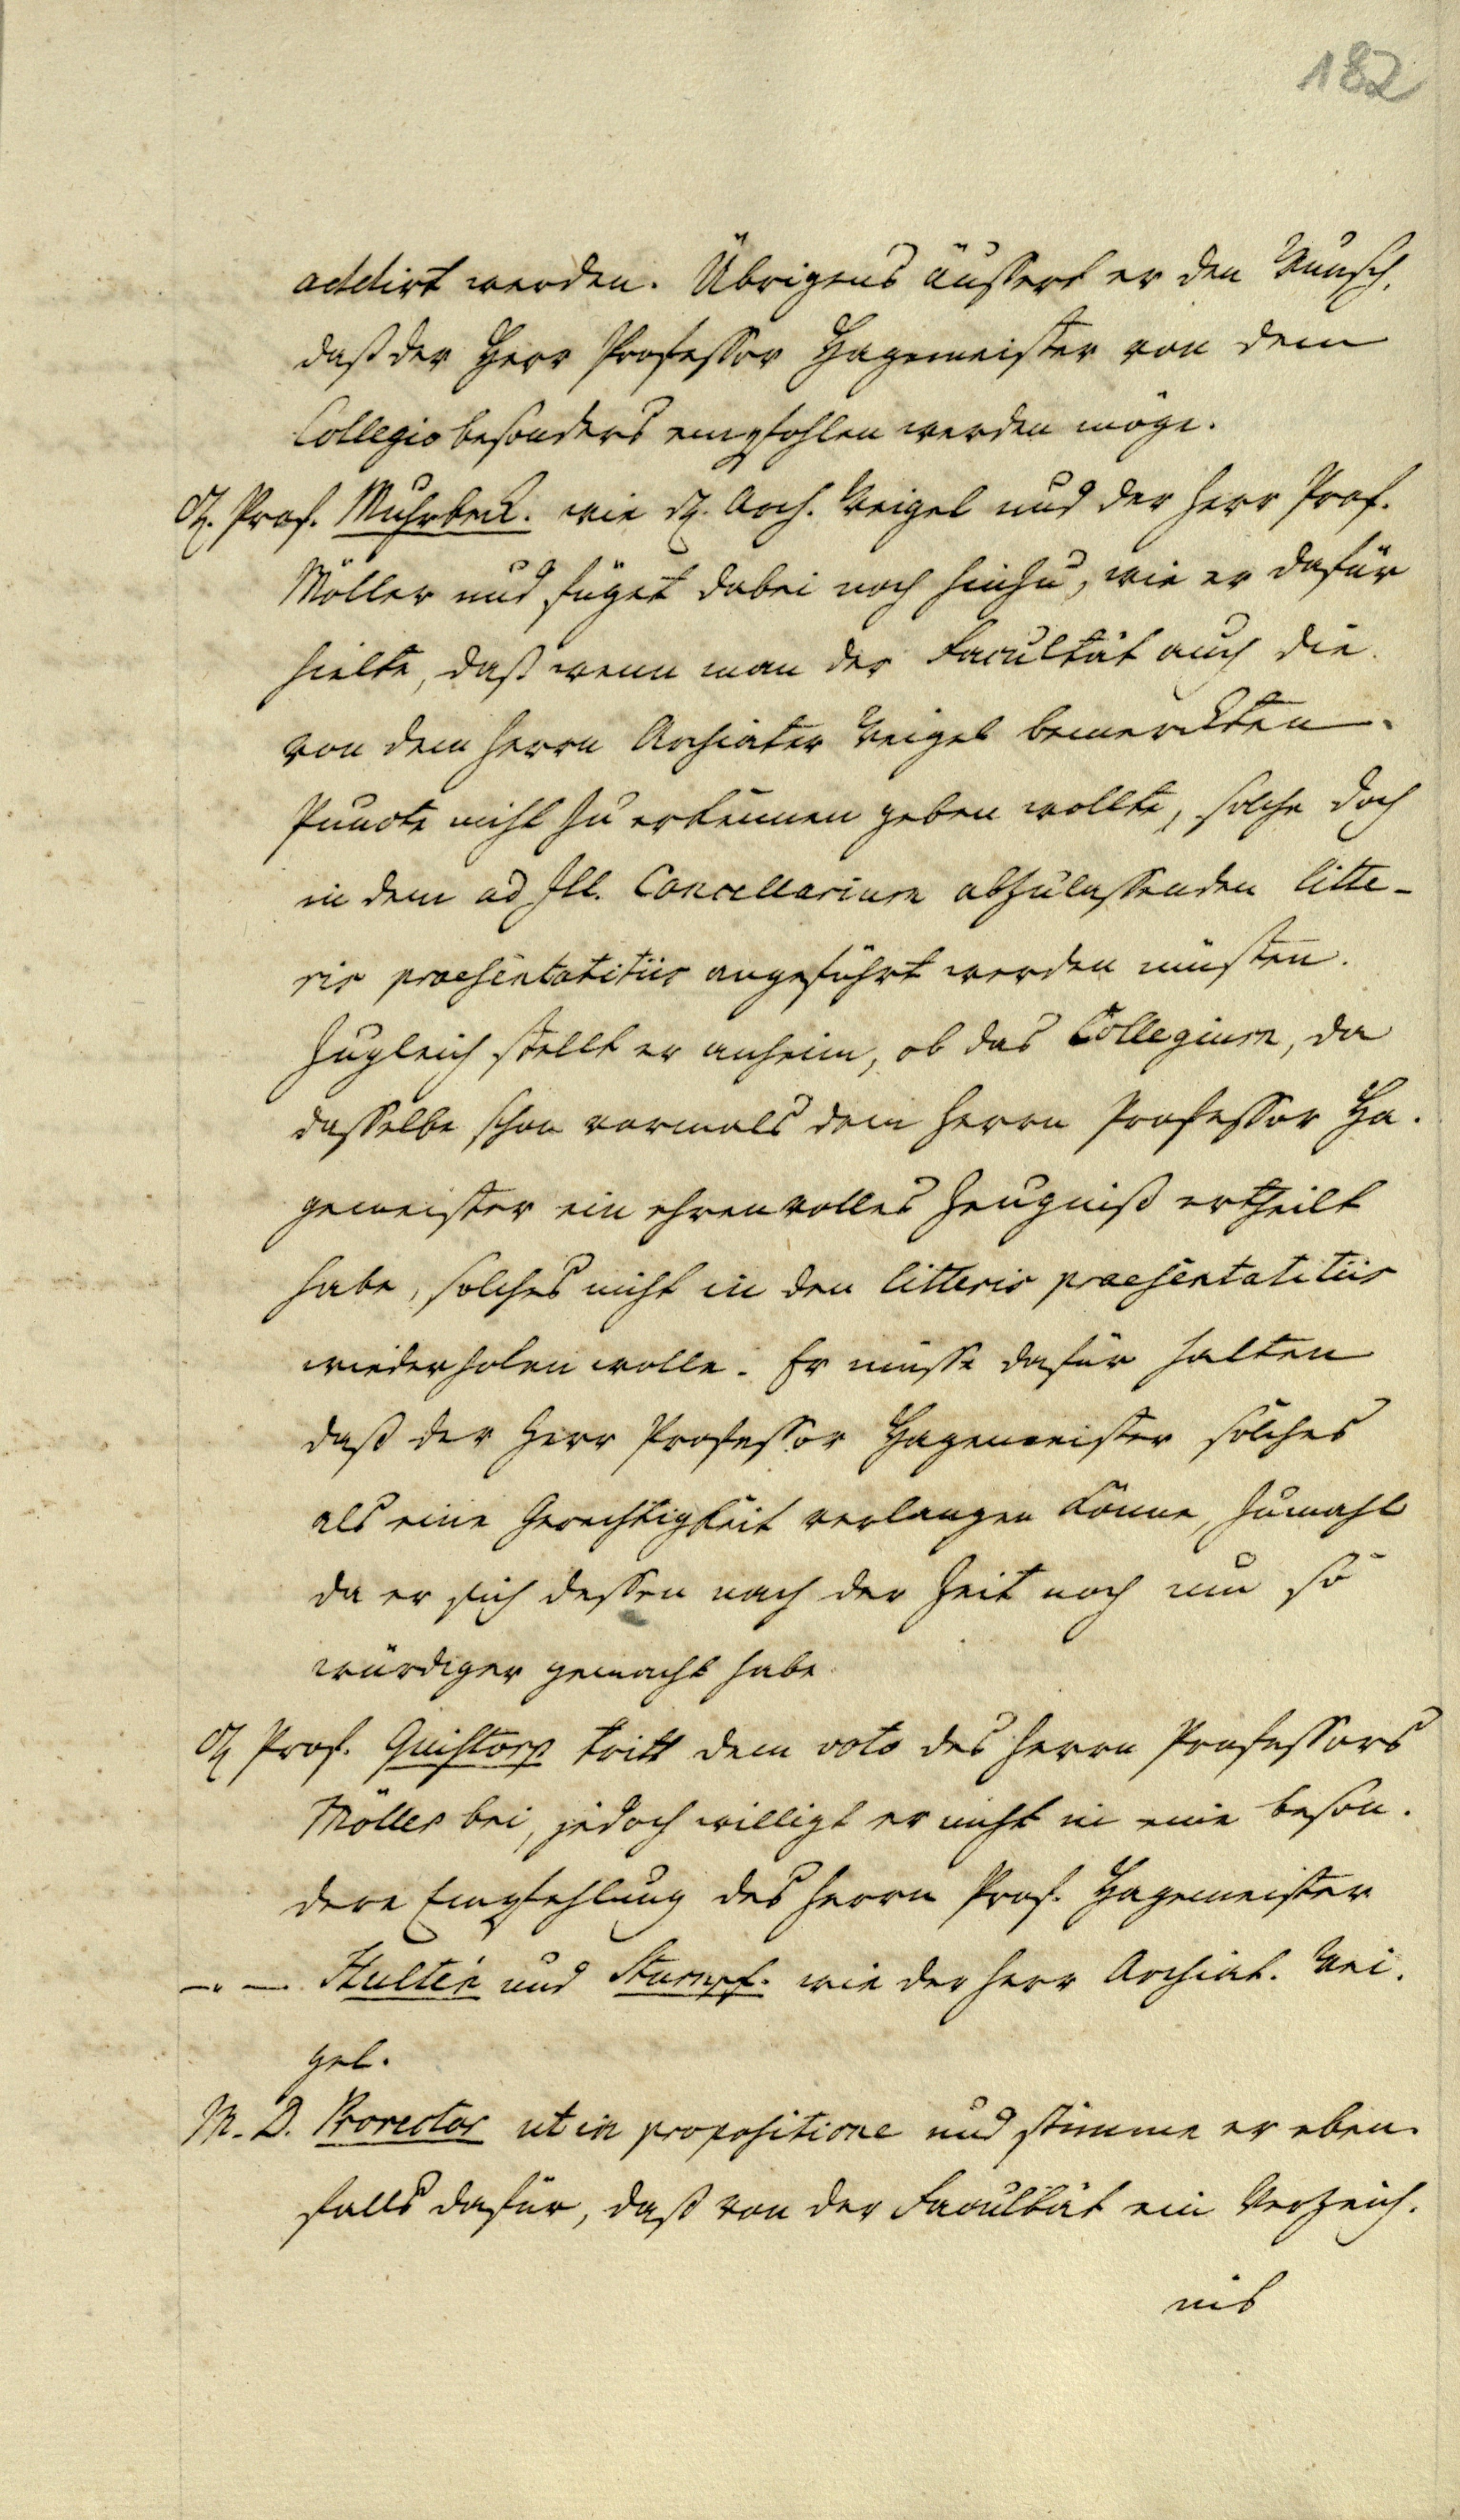addirt werden. Übrigens äussert er den Wunsch,
daß der Herr Professor Hagemeister von dem
Collegio besonders empfohlen werden möge.
dh. Prof. Muhrbeck. wie dh. Arch. Weigel und der Herr Prof.
Möller und füget dabei noch hinzu, wie er dafür
hielte, daß wenn man der Facultät auch die
von dem Herrn Archiater Weigel bemerckten
Puncte nicht zu erkennen geben wollte, solche doch
in dem ad Ill. Concellarium abzulassenden litte¬
ris praesentatitiis angeführt werden müßten.
Zugleich stellt er anheim, ob das Collegium, da
dasselbe schon vormals dem Herrn Professor Ha¬
gemeister ein ehrenvolles Zeugniß ertheilt
habe, solches nicht in den litteris praesentatitiis
wiederholen wolle. Er müsse dafür halten,
daß der Herr Professor Hagemeister solches
als eine Gerechtigkeit verlangen könne, zumahl
da er sich dessen nach der Zeit noch um so
würdiger gemacht habe.
dh. Prof. Quistorp tritt dem voto des Herrn Professors
Möller bei, jedoch willigt er nicht in eine beson¬
dere Empfehlung des Herrn Prof. Hagemeister
Hultén und Stumpf. wie der Herr Archiat. Wei¬
gel.
M. D. Prorector ut in propositione und stimme er eben¬
falls dafür, daß von der Facultät ein Verzeich¬
nis